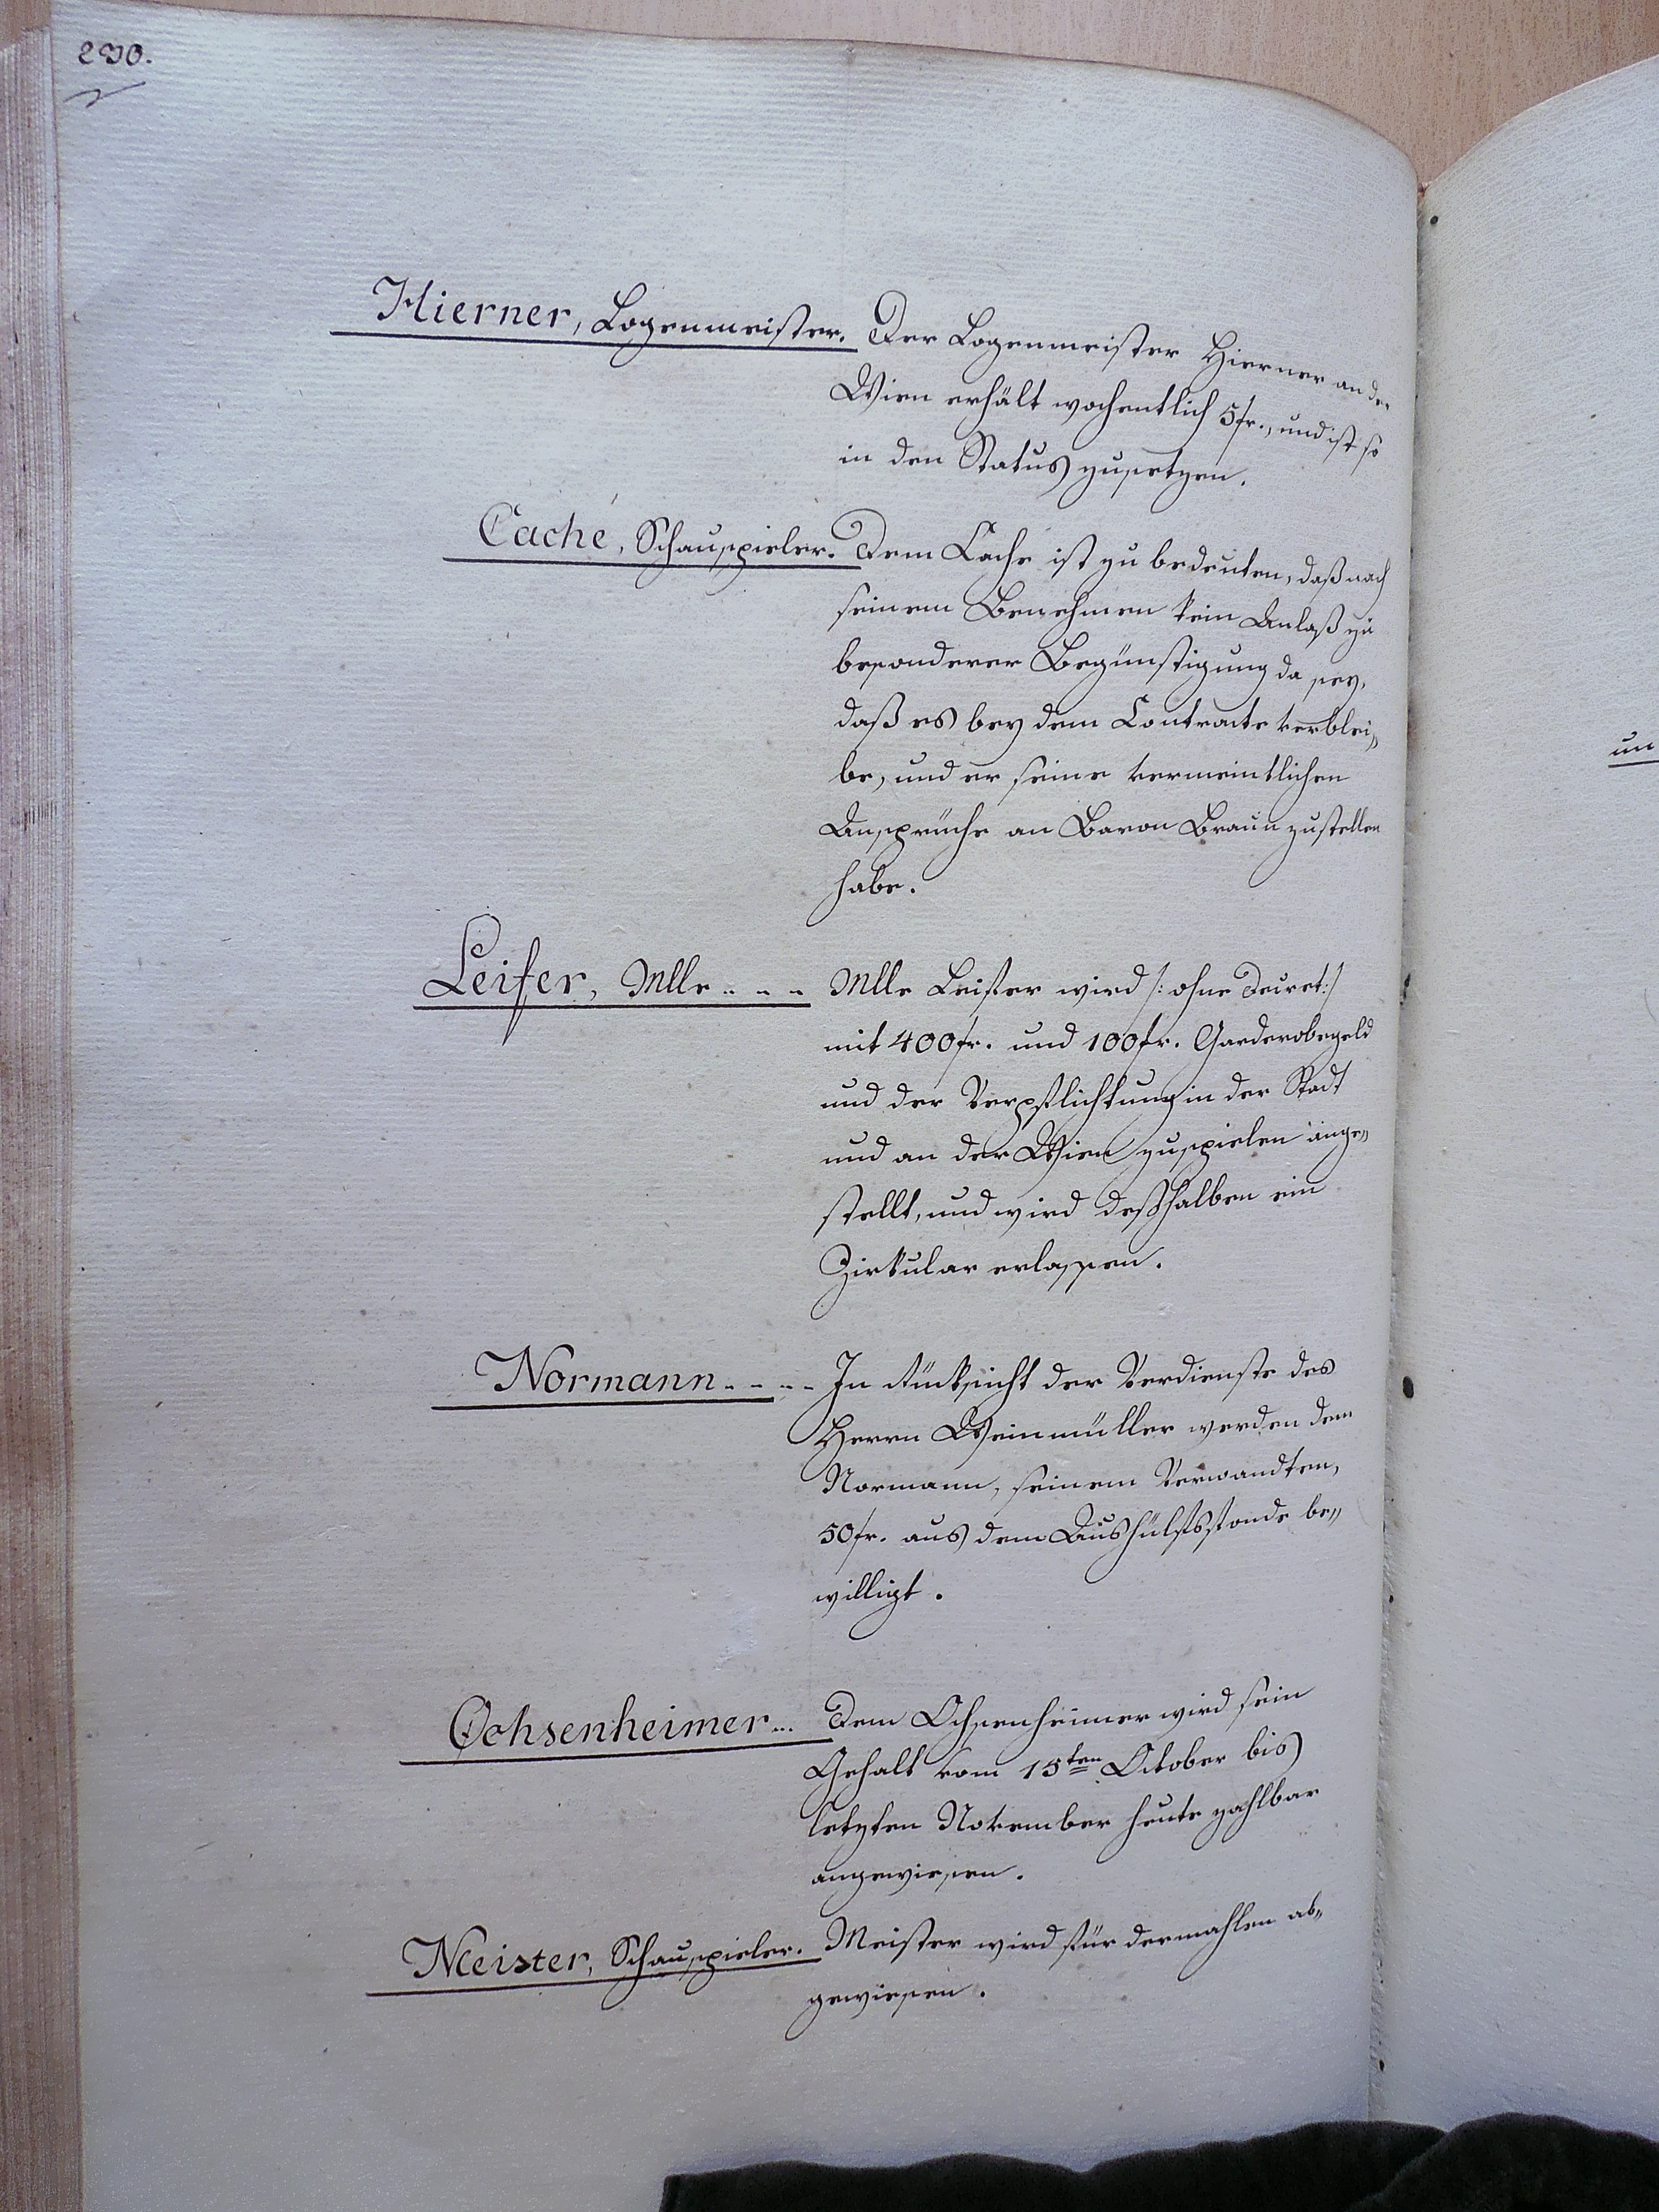230.
Hierner, Logenmeister. Der Logenmeister Hierner an der
Wien erhält wochentlich 5fr., und ist so
in den Status zusetzen.
Caché, Schauspieler. Dem Cache ist zu bedeuten, daß nach
seinem Benehmen kein Anlaß zu
besonderer Begünstigung da sey,
daß es bey dem Contracte verblei¬
be, und er seine vermeintlichen
Ansprüche an Baron Braun zustellen
habe.
Leifer, Mlle .. .. .. Mlle Leifer wird ohne |:ohne Decret:|
mit 400fr. und 100fr. Garderobegeld
und der Verpflichtung in der Stadt
und an der Wien zuspielen ange¬
stellt, und wird deßhalben ein
Zirkular erlassen.
Normann .. .. .. .. In Rücksicht der Verdienste des
Herrn Weinmüller werden dem
Normann, seinem Verwandten,
50fr. aus dem Aushülfsfonde be¬
willigt.
Ochsenheimer ... Dem Ochsenheimer wird sein
Gehalt vom 15te͇n October bis
letzten November heute zahlbar
angewiesen.
Meister, Schauspieler. Meister wird für dermahlen ab¬
gewiesen.